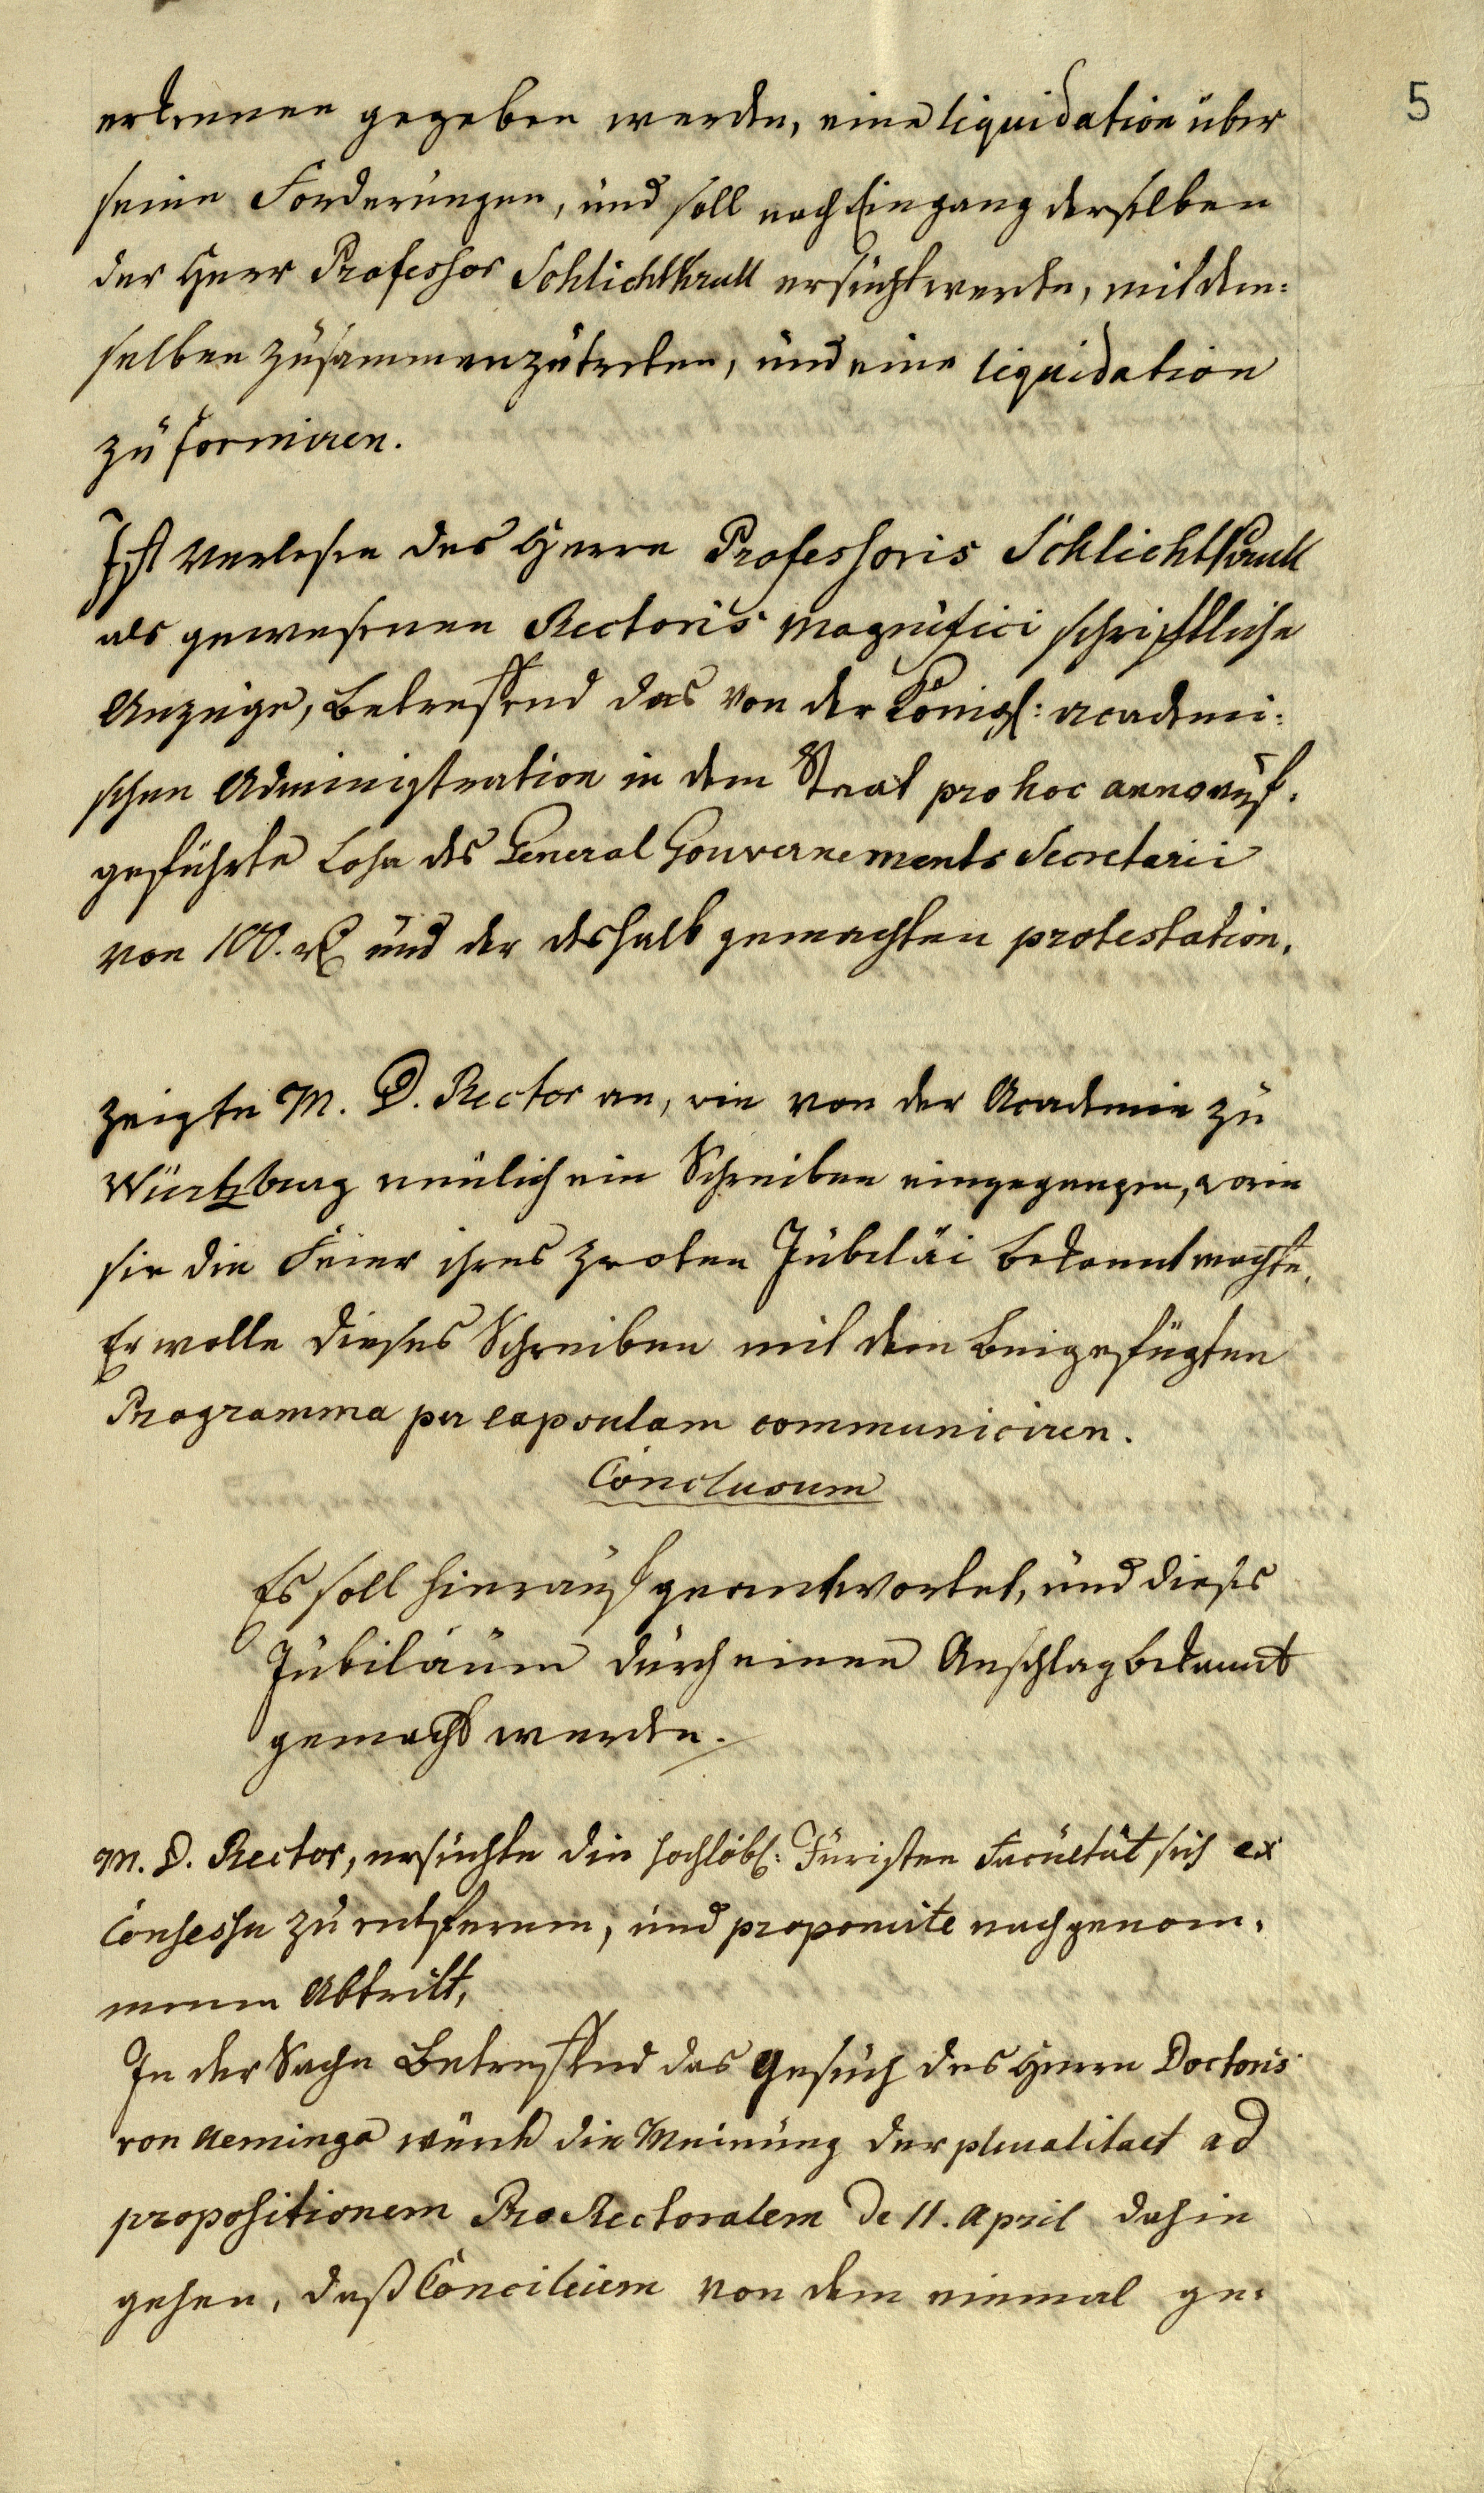erkennen gegeben werden, eine liquidation über
seine Forderungen, und soll nach Eingang derselben
der Herr Professor Schlichtkrull ersucht werden, mit dem¬
selben zusammenzutreten, und eine liquidation
zu formiren.
Ist verlesen des Herrn Professoris Schlichtkrull
als gewesenen Rectoris Magnifici schriftliche
Anzeige, betreffend das von der Königl. academi¬
schen Administration in dem Staat pro hoc anno auf¬
geführte Lohn des General Gouvernements Secretarii
von 100 r. und der deshalb gemachten protestation.
Zeigte M. D. Rector an, wie von der Academie zu
Würtzburg neulich ein Schreiben eingegangen, worin
sie die Feier ihres zwoten Jubiläi bekannt machte,
Er wolle dieses Schreiben mit dem beigefügten
Programma per capsulam communiciren.
Conclusum
Es soll hierauf geantwortet, und dieses
Jubiläum durch einen Anschlag bekannt
gemacht werden.
D. M. Rector, ersuchte die hochlöbl. Juristen Facultät sich ex
Consessu zu entfernen, und proponirte nach genom¬
menen Abtritt.
In der Sache betreffend das Gesuch des Herrn Doctoris
von Aeminga, würde die Meinung der pluralitaet ad
propositionem Pro Rectoratem de 11. April dahin
gehen, daß Concilium von dem einmal ge¬